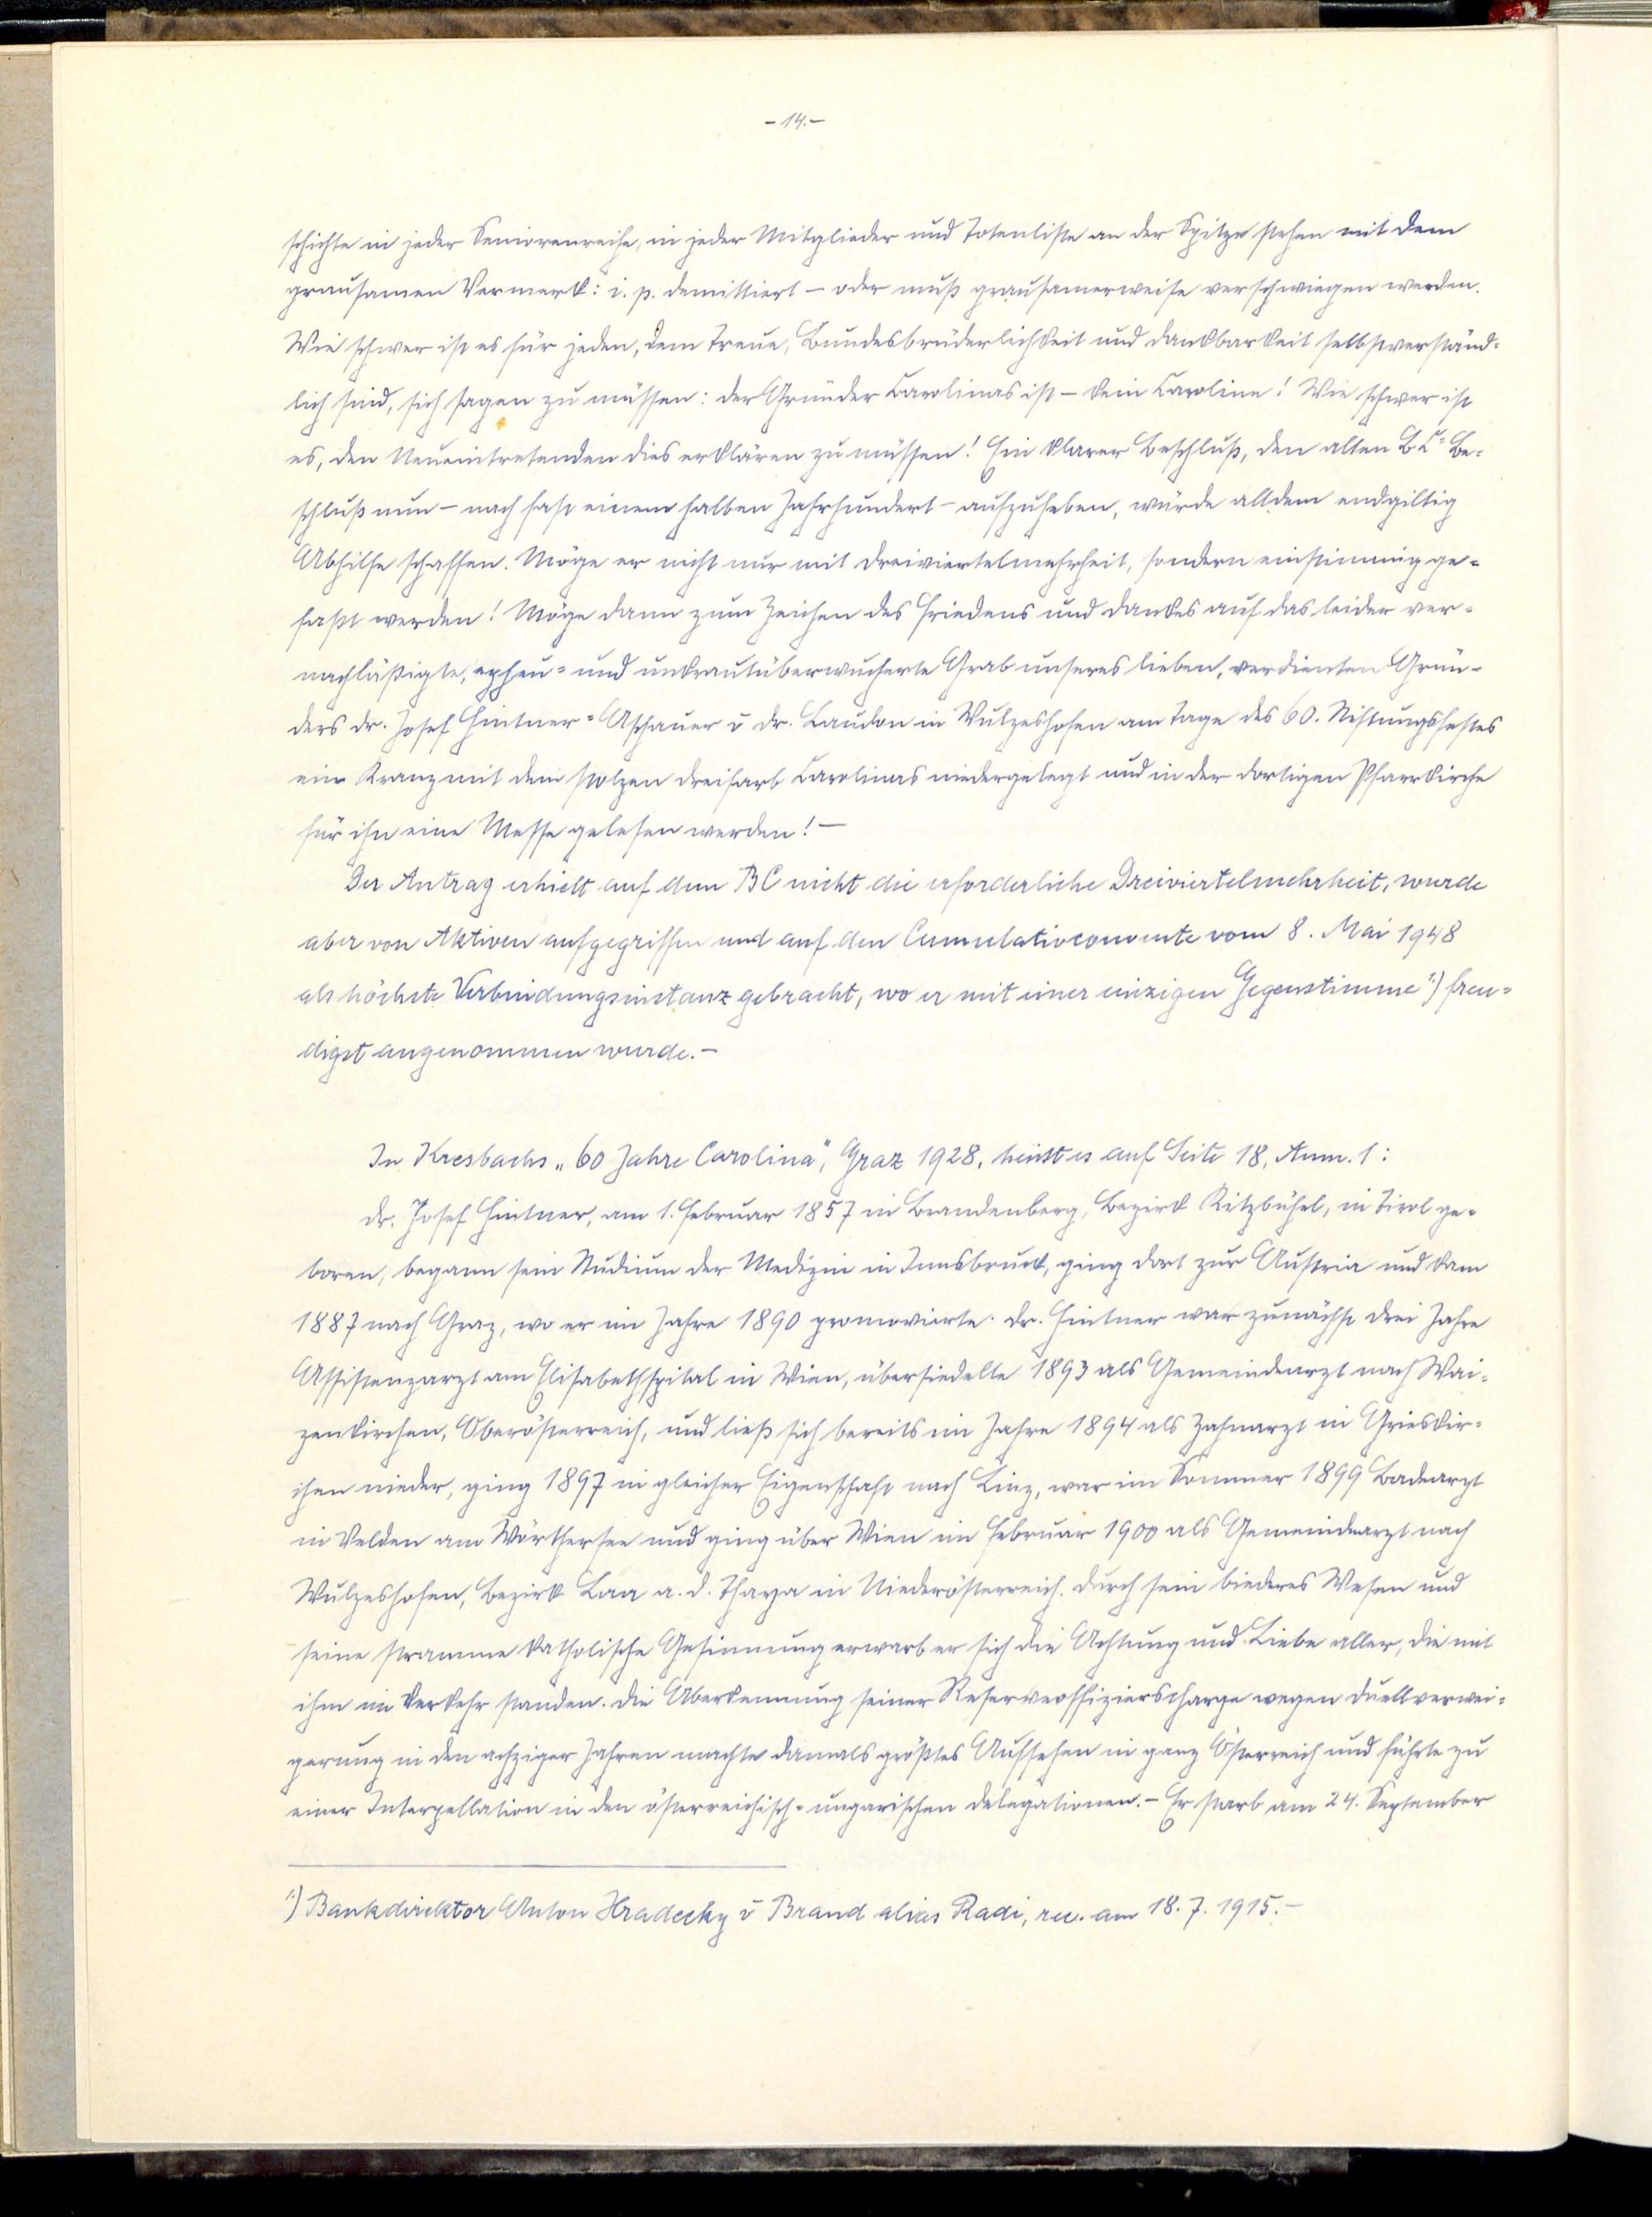14.
schichte in jeder Seniorenreihe, in jeder Mitglieder und Totenliste an der Spitze stehen mit dem
grausamen Vermerk: i.p. dimittiert - oder muß grausamerweise verschwiegen werden.
Wie schwer ist es für jeden, dem treue Bundesbrüderlichkeit und Dankbarkeit selbstverständ-
lich sind, sich sagen zu müssen: Der Gründer der Carolina ist - kein Caroline! Wie schwer ist
es, den Neueintretenden dies erklären zu müssen! Ein klarer Beschluß, den alten BC-Be-
schluss nun - nach fast einem halben Jahrhundert - aufzuheben, würde alldem endgültig
Abhilfe schaffen. Möge er nicht nur mit Dreiviertelmehrheit, sondern einstimmig ge-
faßt werden! Möge dann zum Zeichen des Friedens und Dankes auf das leider ver-
nachlässigte, epfeu - und unkrautüberwucherte Grab unseres lieben, verdienten Grün-
ders Dr. Josef Hintner-Aschauer v/o Dr. Laudon in Wulzeshofen am Tage des 60. Stiftungsfestes
ein Kranz mit dem stolzen Dreifarb Carolinas niedergelegt und in der dortigen Pfarrkirche
für ihn eine Messe gelesen werden!
-
Der Antrag erhielt auf dem BC nicht die erforderliche Dreiviertelmehrheit, wurde
aber von Aktiven aufgegriffen und auf dem Cumulativconvente vom 8. Mai 1948
als höchste Verbindungsinstanz gebracht, wo er mit einer einzigen Gegenstimme 1.) freu-
digst angenommen wurde.
In Kresbachs "60 Jahre Carolina", Graz 1928, heisst es auf Seite 18, Anm. 1:
Dr. Josef Hintner, am 1. Februar 1857 in Brandenberg, Bezirk Kitzbühel, in Tirol ge-
boren, begann sein Studium der Medizin in Innsbruck, ging dort zur Austria und kam
1887 nach Graz, wo er im Jahre 1890 promovierte. Dr. Hintner war zunächst drei Jahre
Assistenzarzt am Elisabethspital in Wien, übersiedelte 1893 als Gemeindearzt nach Wai-
zenkirchen, Oberösterreich, und ließ sich bereits im Jahre 1894 als Zahnarzt in Grieskir-
chen nieder, ging 1897 in gleicher Eigenschaft nach Linz, war im Sommer 1899 Facharzt
in Velden am Wörthersee und ging über Wien im Februar 1900 als Gemeindearzt nach
Wulzeshofen, Bezirk Laa a.d. Thaya in Niederösterreich. Durch sein biederes Wesen und
seine stramme katholische Gesinnung erwarb er sich die Achtung und Liebe aller, die mit
ihm im Verkehr standen. Die Aberkennung seiner Reserveoffizierscharge wegen Duellverwei-
gerung in den achziger Jahren machte damals größtes Aufsehen in ganz Österreich und führte zu
einer Interpellation in den österreichisch-ungarischen Delegationen.- Er starb am 24. September
1.) Bankdirektor Anton Hradecky v/o Brand alias Radi, rec. am 18. 7. 1915.-